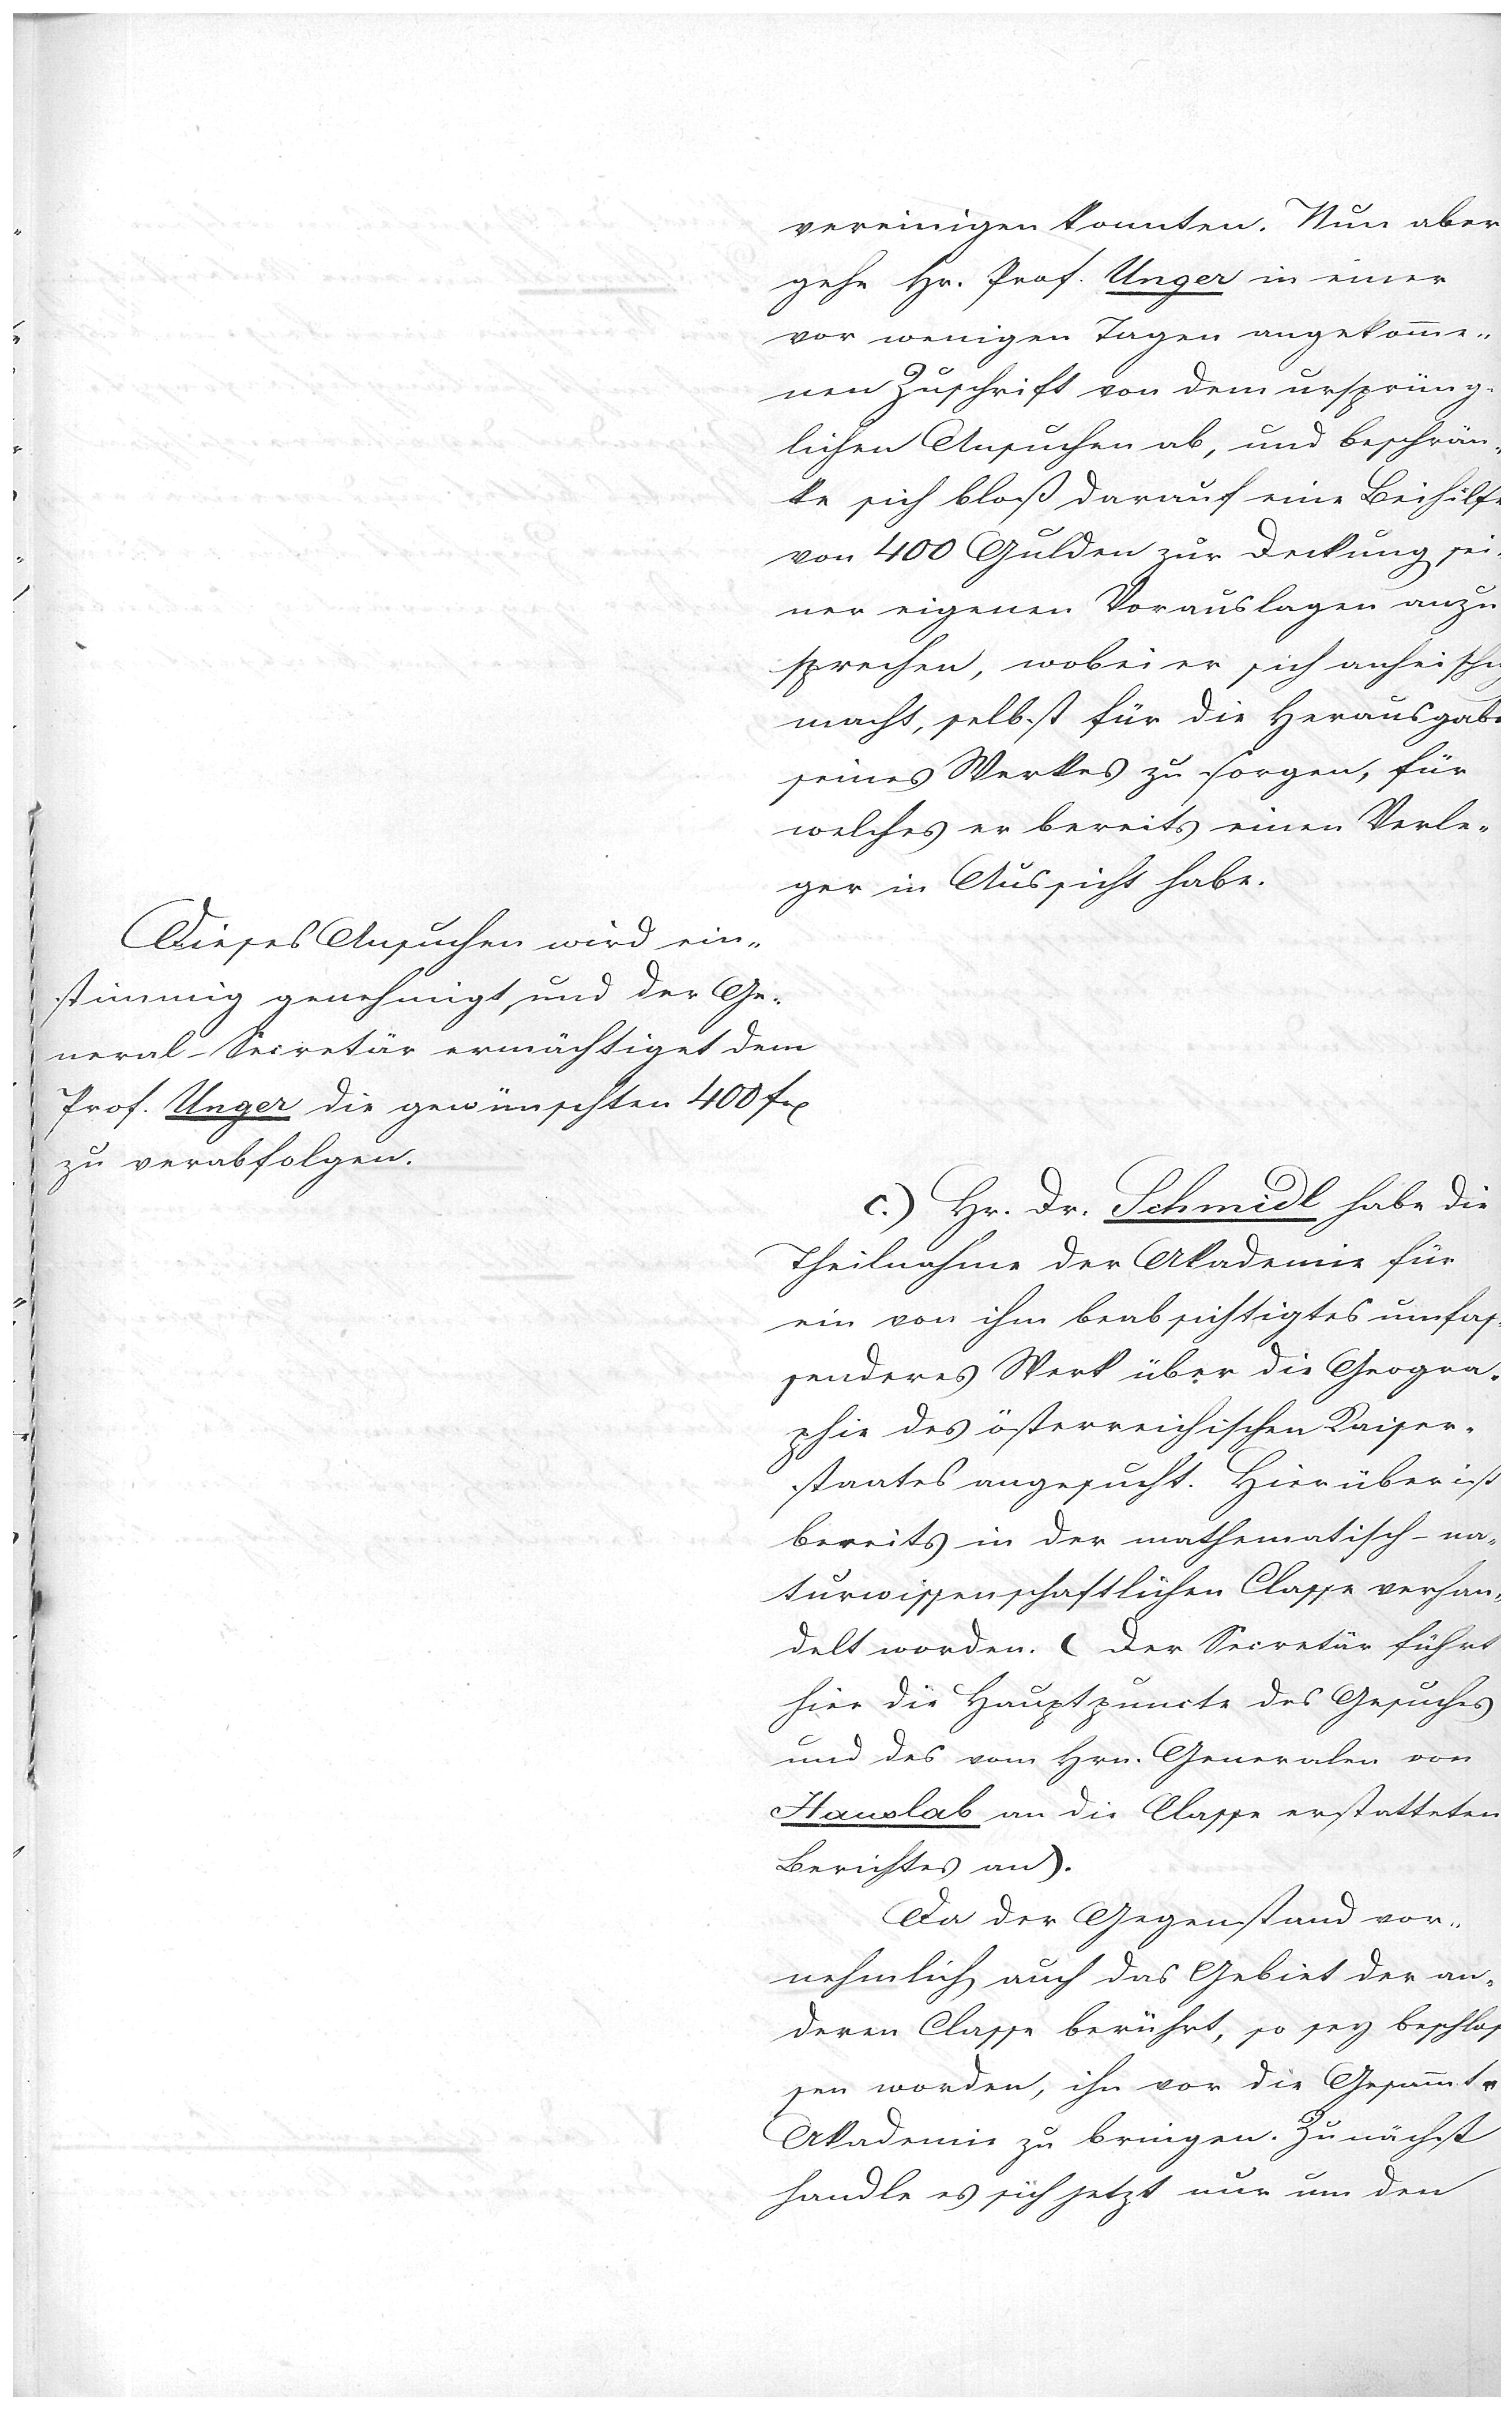vereinigen konnten. Nun aber
sehgehe Hr. Prof. Unger in einer
vor wenigen Tagen angekomme-
nen Zuschrift von dem ursprüng-
lichen Ansuchen ab, und beschrän-
ke sich bloß darauf eine Beihilfe
von 400 Gulden zur Deckung sei-
ner eigenen Vorauslagen anzu-
sprechen, wobei er sich anheischig
macht, selbst für die Herausgabe
seines Werkes zu sorgen, für
welches er bereits einen Verle-
ger in Aussicht habe.
Dieses Ansuchen wird ein-
stimmig genehmigt, und der Ge-
neral-Secretär ermächtiget dem
Prof. Unger die gewünschten 400 fl
zu verabfolgen.
c.) Hr. Dr. Schmidl habe die
Theilnahme der Akademie für
ein von ihm beabsichtigtes unfas-
senderes Werk über die Geogra-
phie des österreichischen Kaiser-
staates angesucht. Hierüber ist
bereits in der mathematisch-na-
turwissenschaftlichen Classe verhan-
delt worden. (Der Secretär führt
hier die Hauptpuncte des Gesuches
und des vom Herrn Generalen von
Hauslab an die Classe erstatteten
Berichtes an).
Da der Gegenstand vor-
nehmlich auch das Gebiet der an-
deren Classe berührt, so sey beschlos-
sen worden, ihn vor die Gesammt-
Akademie zu bringen. Zunächst
handle es sich jetzt nur um den